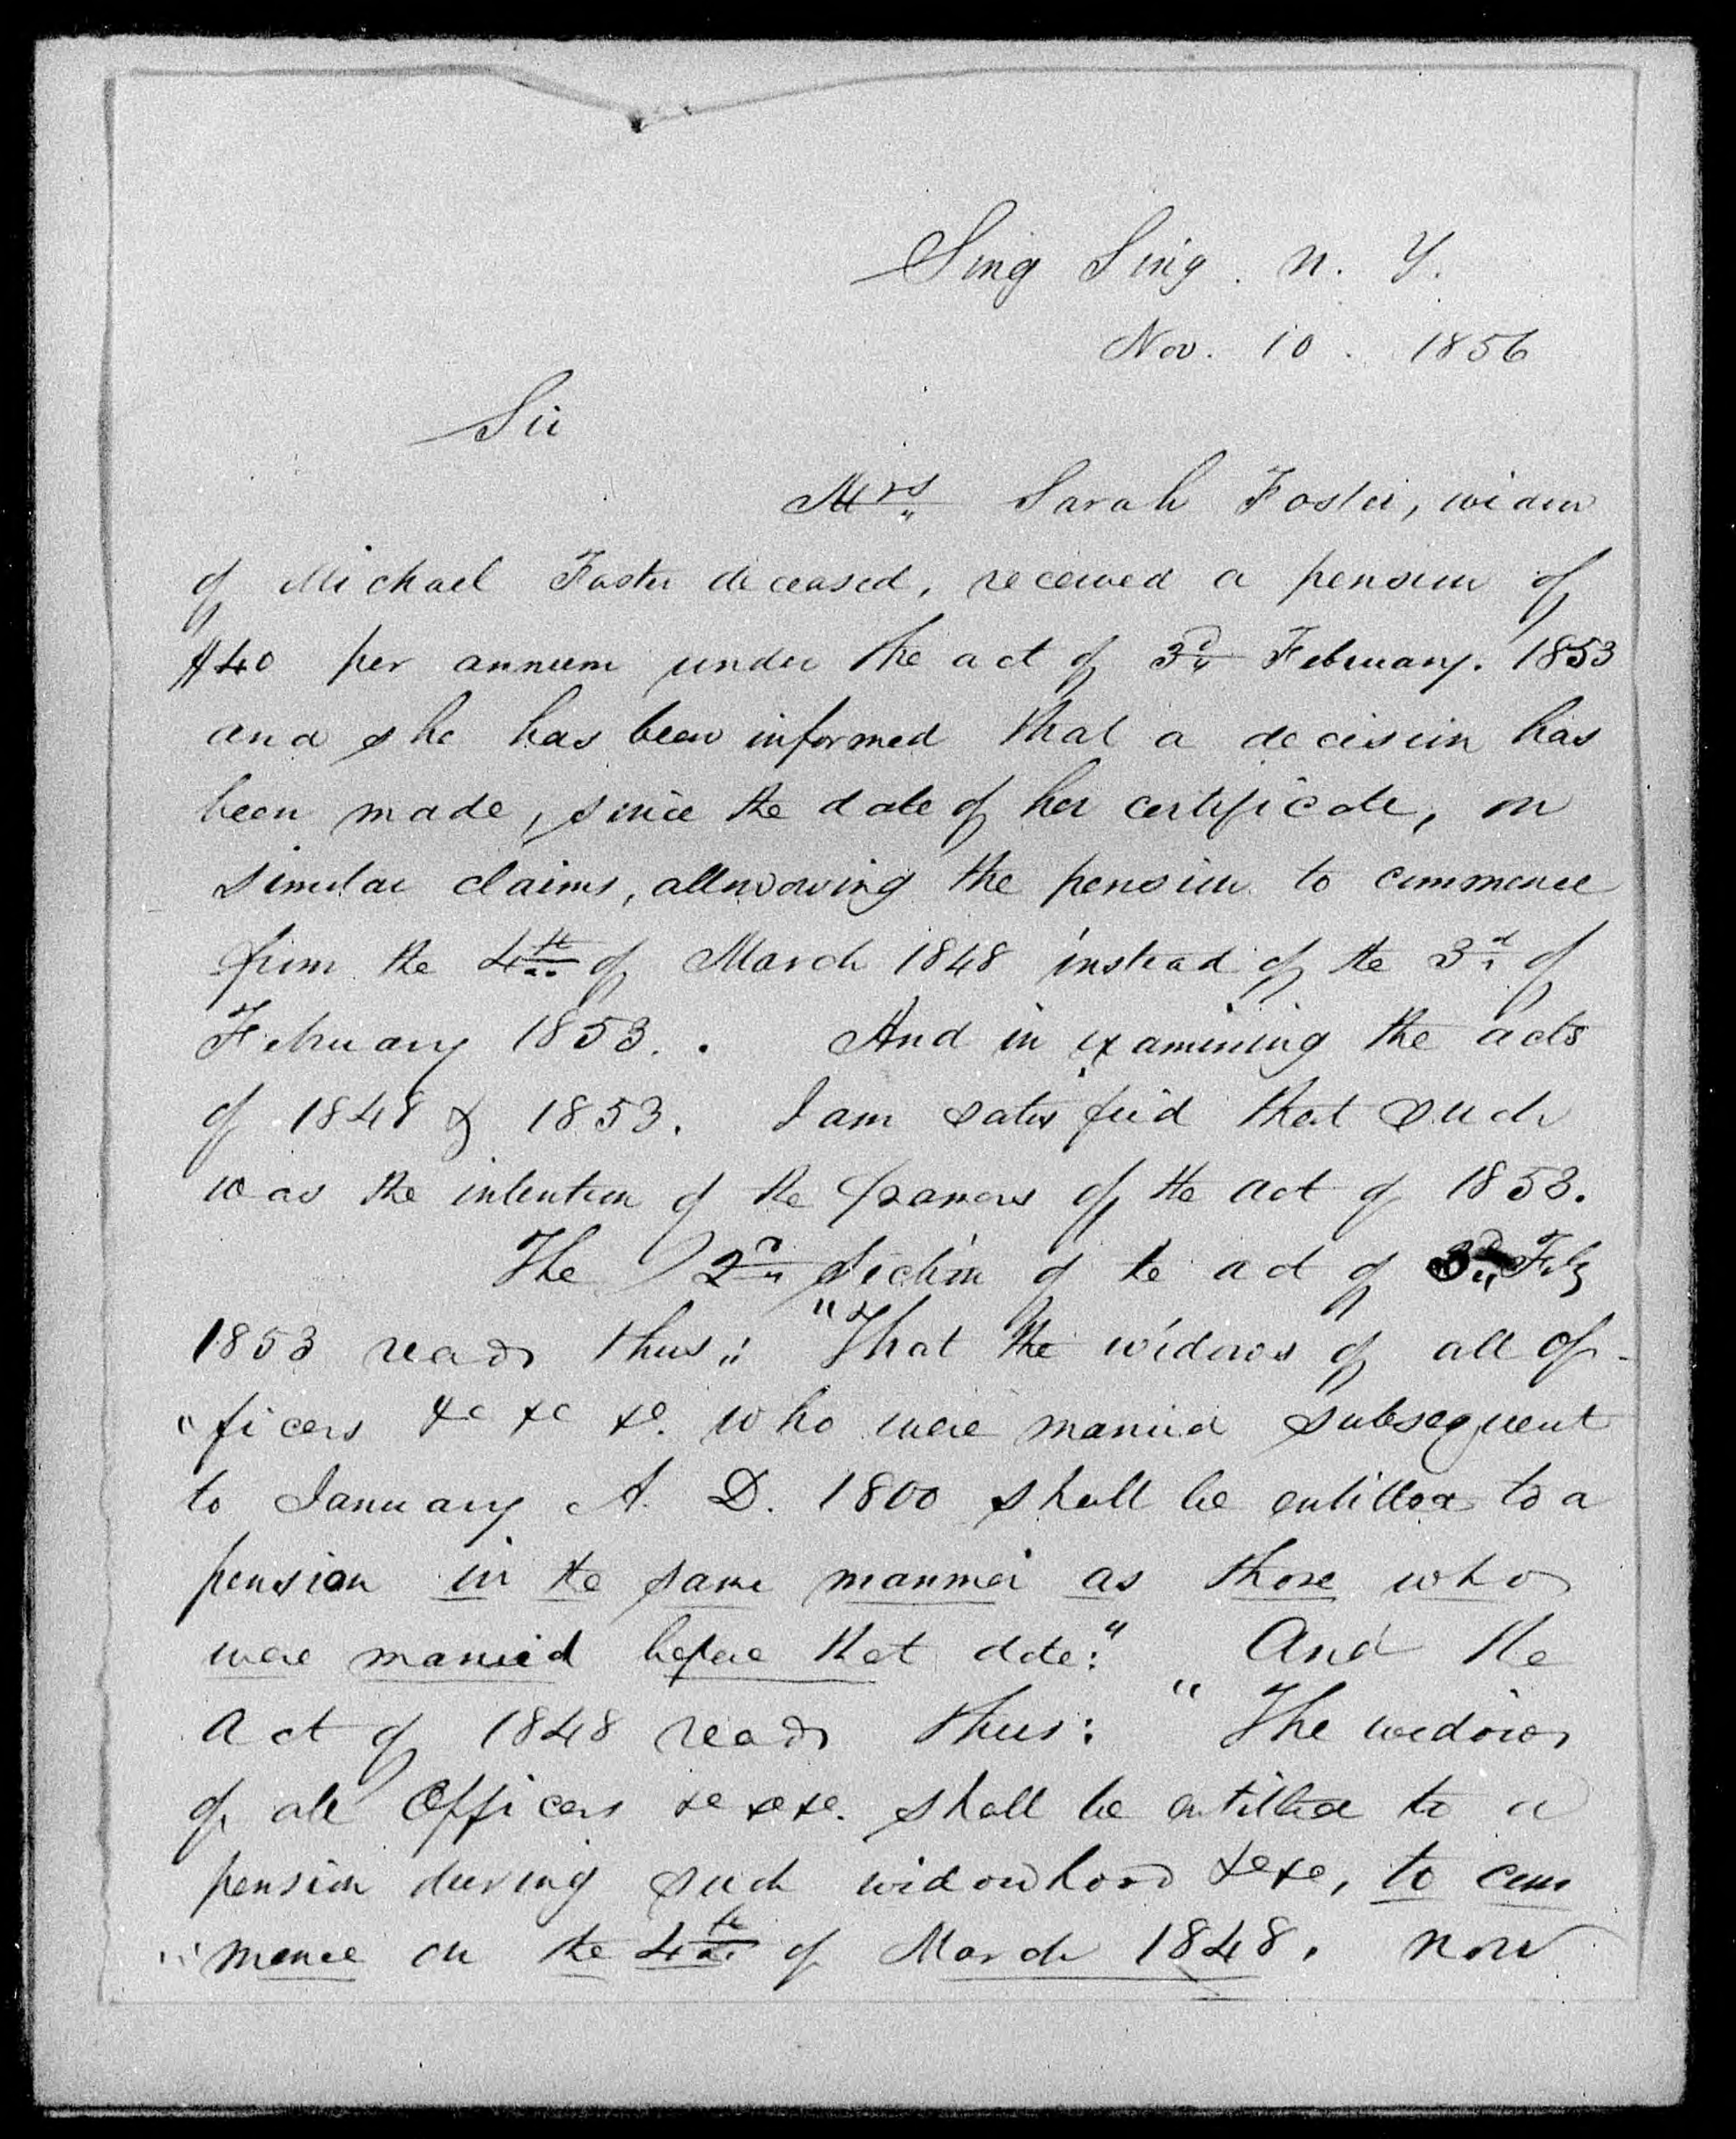Sing Sing, N. Y.
Nov. 10. 1856

Sir

Mrs. Sarah Foster, widow of Michael Foster deceased, received a pension of $40 per annum under the act of 3rd February, 1853 and she has been informed that a decision has been made, since the date of her certificate, on similar claims, allowing the pension to commence from the 4th of March 1848 instead of the 3rd of February 1853. And in examining the acts of 1848 & 1853, I am satisfied that such was the intension of the framers of the act of 1853.
The 2nd Section of the act of 3 Feb 1853 reads thus: "That the widows of all of officers & & & who were named subsequent to January A. D. 1800 Shall be entitled to a pension in the same manner as those who were named before that date"; And the act of 1848 reads thus: "The widows of all Officers & & & shall be entitled to a pension during such widowhood & &, to commence on the 4th of March 1848, now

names: Sarah Foster, Michael Foster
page: 35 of 57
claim: widow's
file: W. 5275 1/2, Michael Foster, Penn.